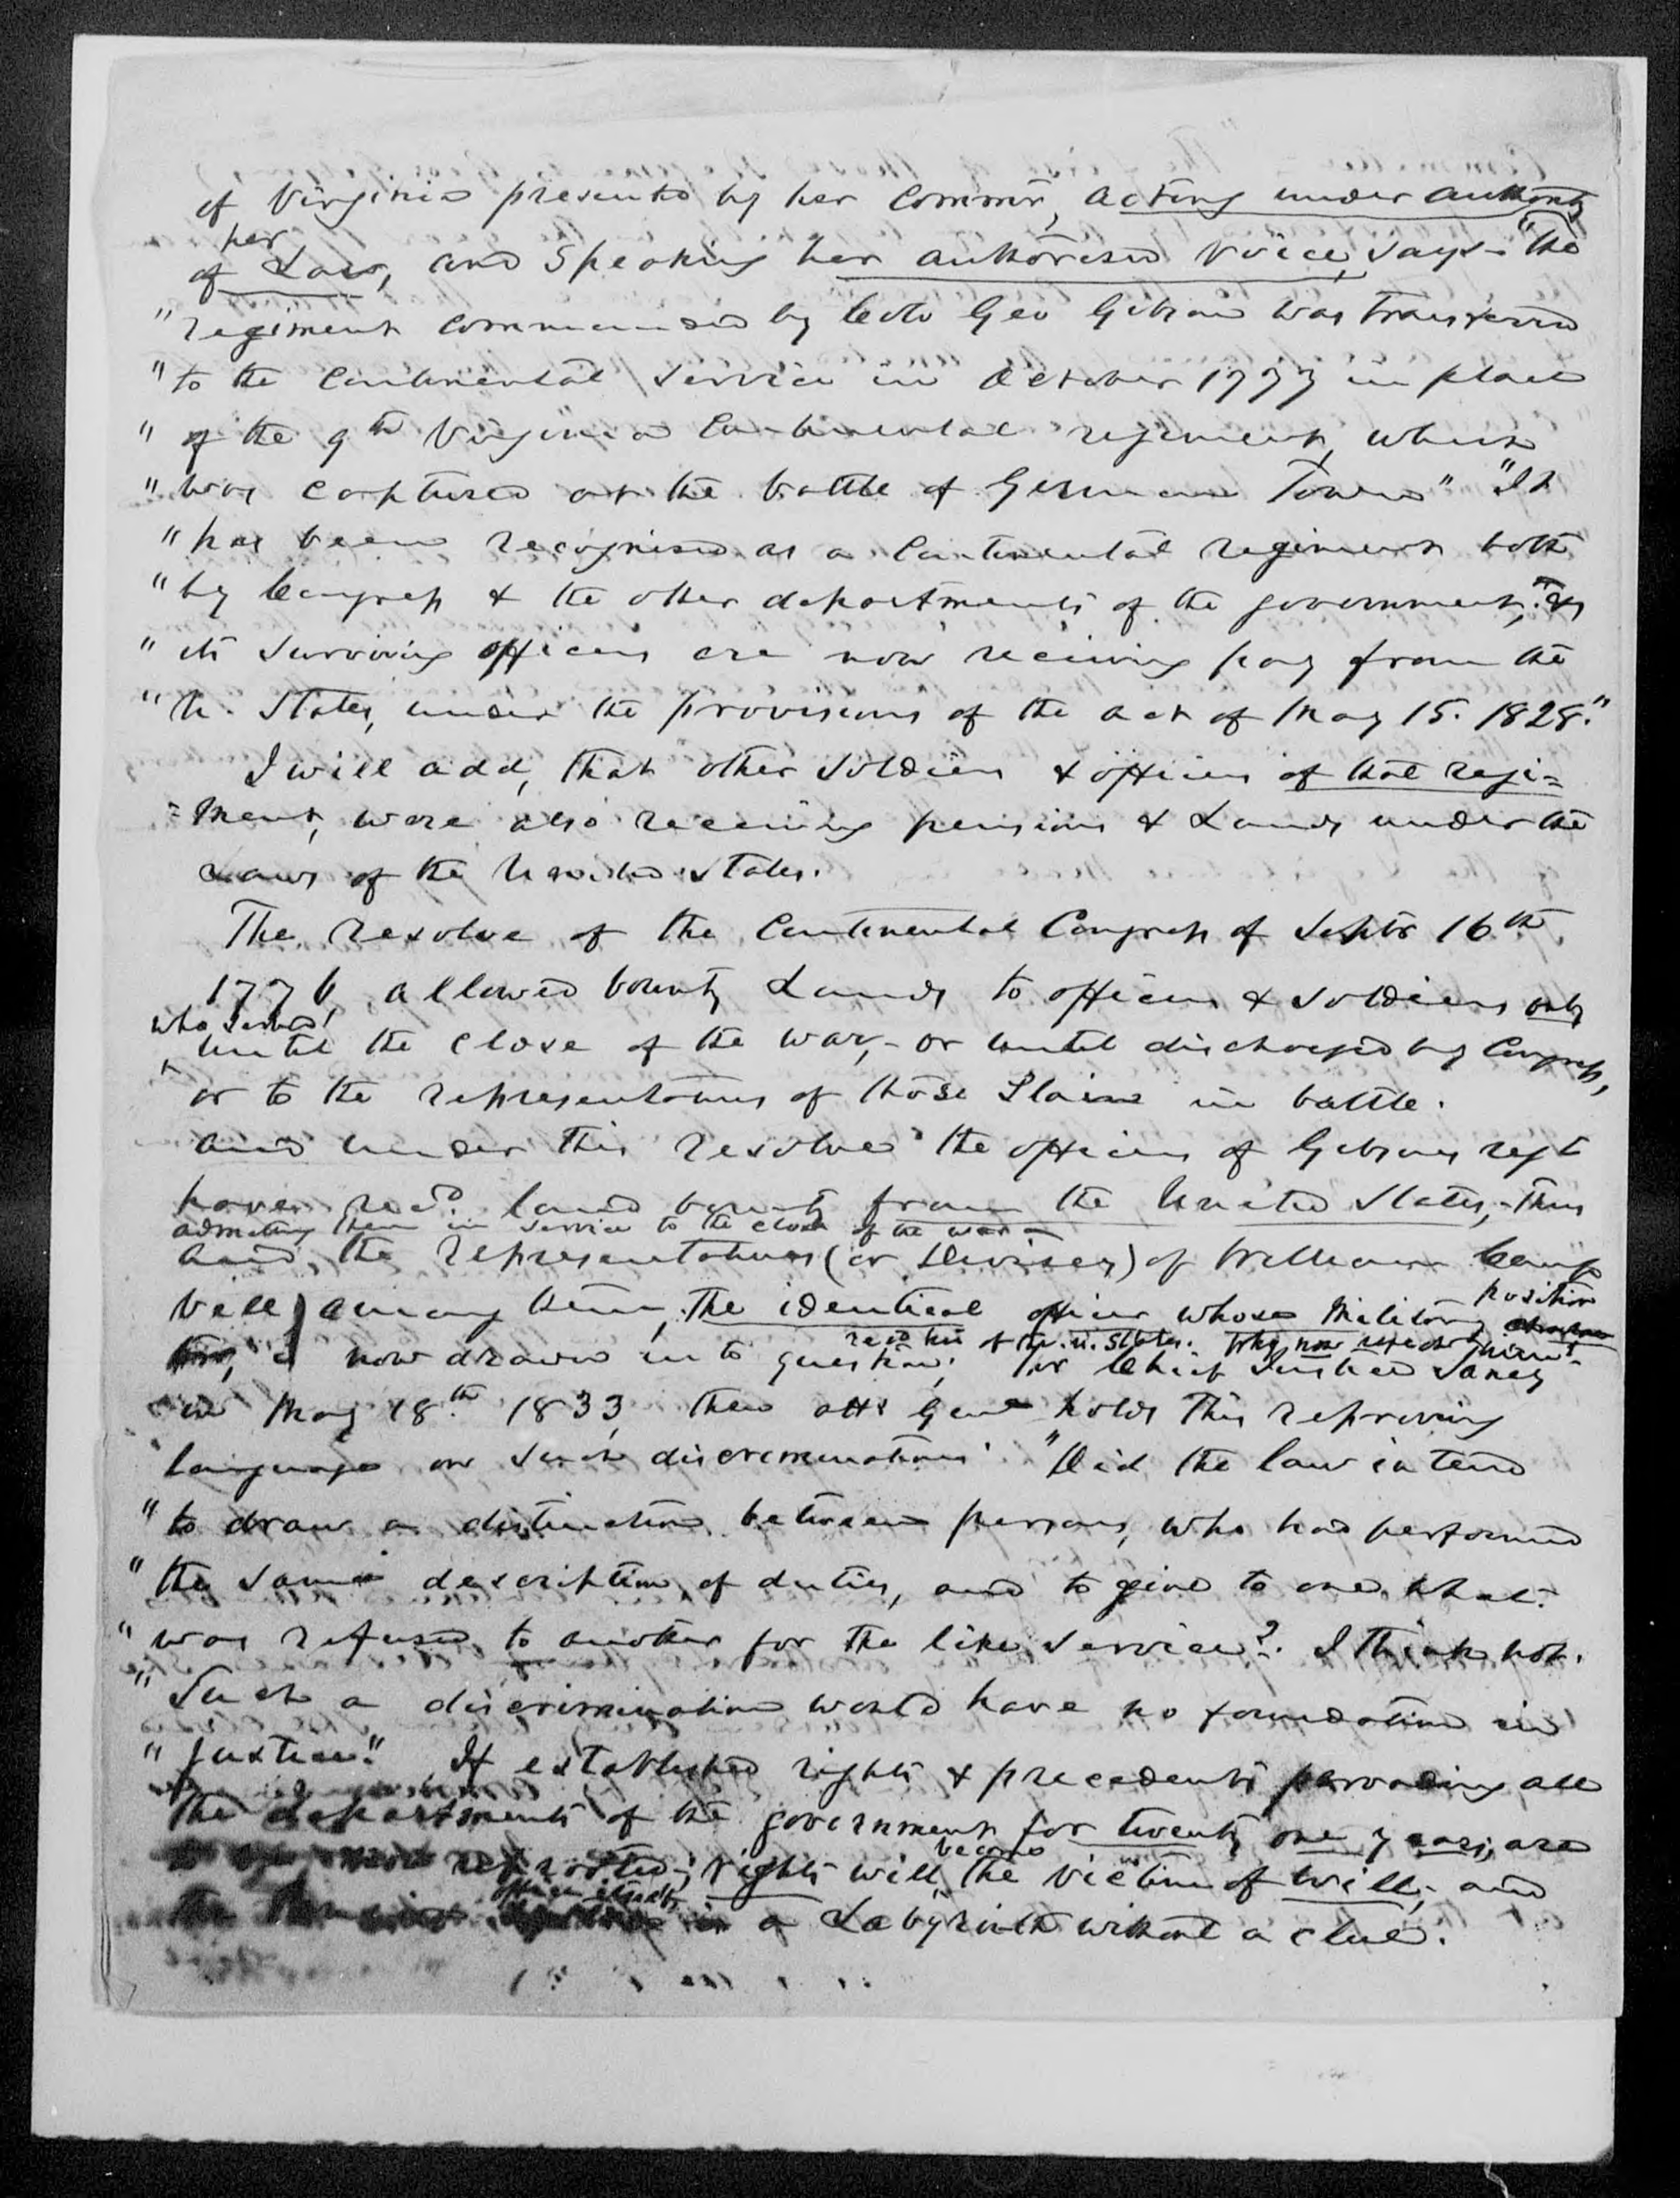of Virginia prevented by her Comm'r acting under authority of her law, and speaking her authorised voice, says - "the regiment commanded by Colo. Geo. Gibson was transferred to the Continental Service in October 1777 in place of the 9th Virginia Continental regiment, which was captured at the battle of German Town."  "It has been recognized as a Continental regiment both by Congress and the other departments of the government, & its surviving officers are now receiving pay from the U. States, under the provisions of the Act of May 15, 1828."
I will add that other soldiers & officers of that regiment, were also receiving pensions & lands under the [illegible] of the United States.
The resolve of the Continental Congress of Septr. 16th 1776 allowed bounty land to officers & soldiers only who served until the close of the war, or until discharged by Congress or to the representatives of those slain in battle.  And under this resolve the officers of Gibson's regt. have rec'd land bounty from the United States, thus admitting them in service to the close of the war.  And the representatives (or devisees) of William Campbell among them the identical officer whose military position now draws into question  rec'd his [illegible] U. States  Why now [illegible] him?  The Chief Justice Jones in May 18th 1833 then atty. gel. holds this reproving language on [illegible] discrimination.  "Did the law intend to draw a distinction between persons, who had performed the same description of duties, and to give to one what was refused to another, for the like service?  I think not.  Such a discrimination would have to foundation in justice."  If established rights & precedents [illegible] all the departments of the government for twenty one years are [obscured] rights, will become the victims of will, and [obscured] a labyrinth without a clue.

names: Gibson, Janes, William, William Campbell, Geo Gibson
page: 226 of 267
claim: widow's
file: W. 4,149, William Campbell, Va.